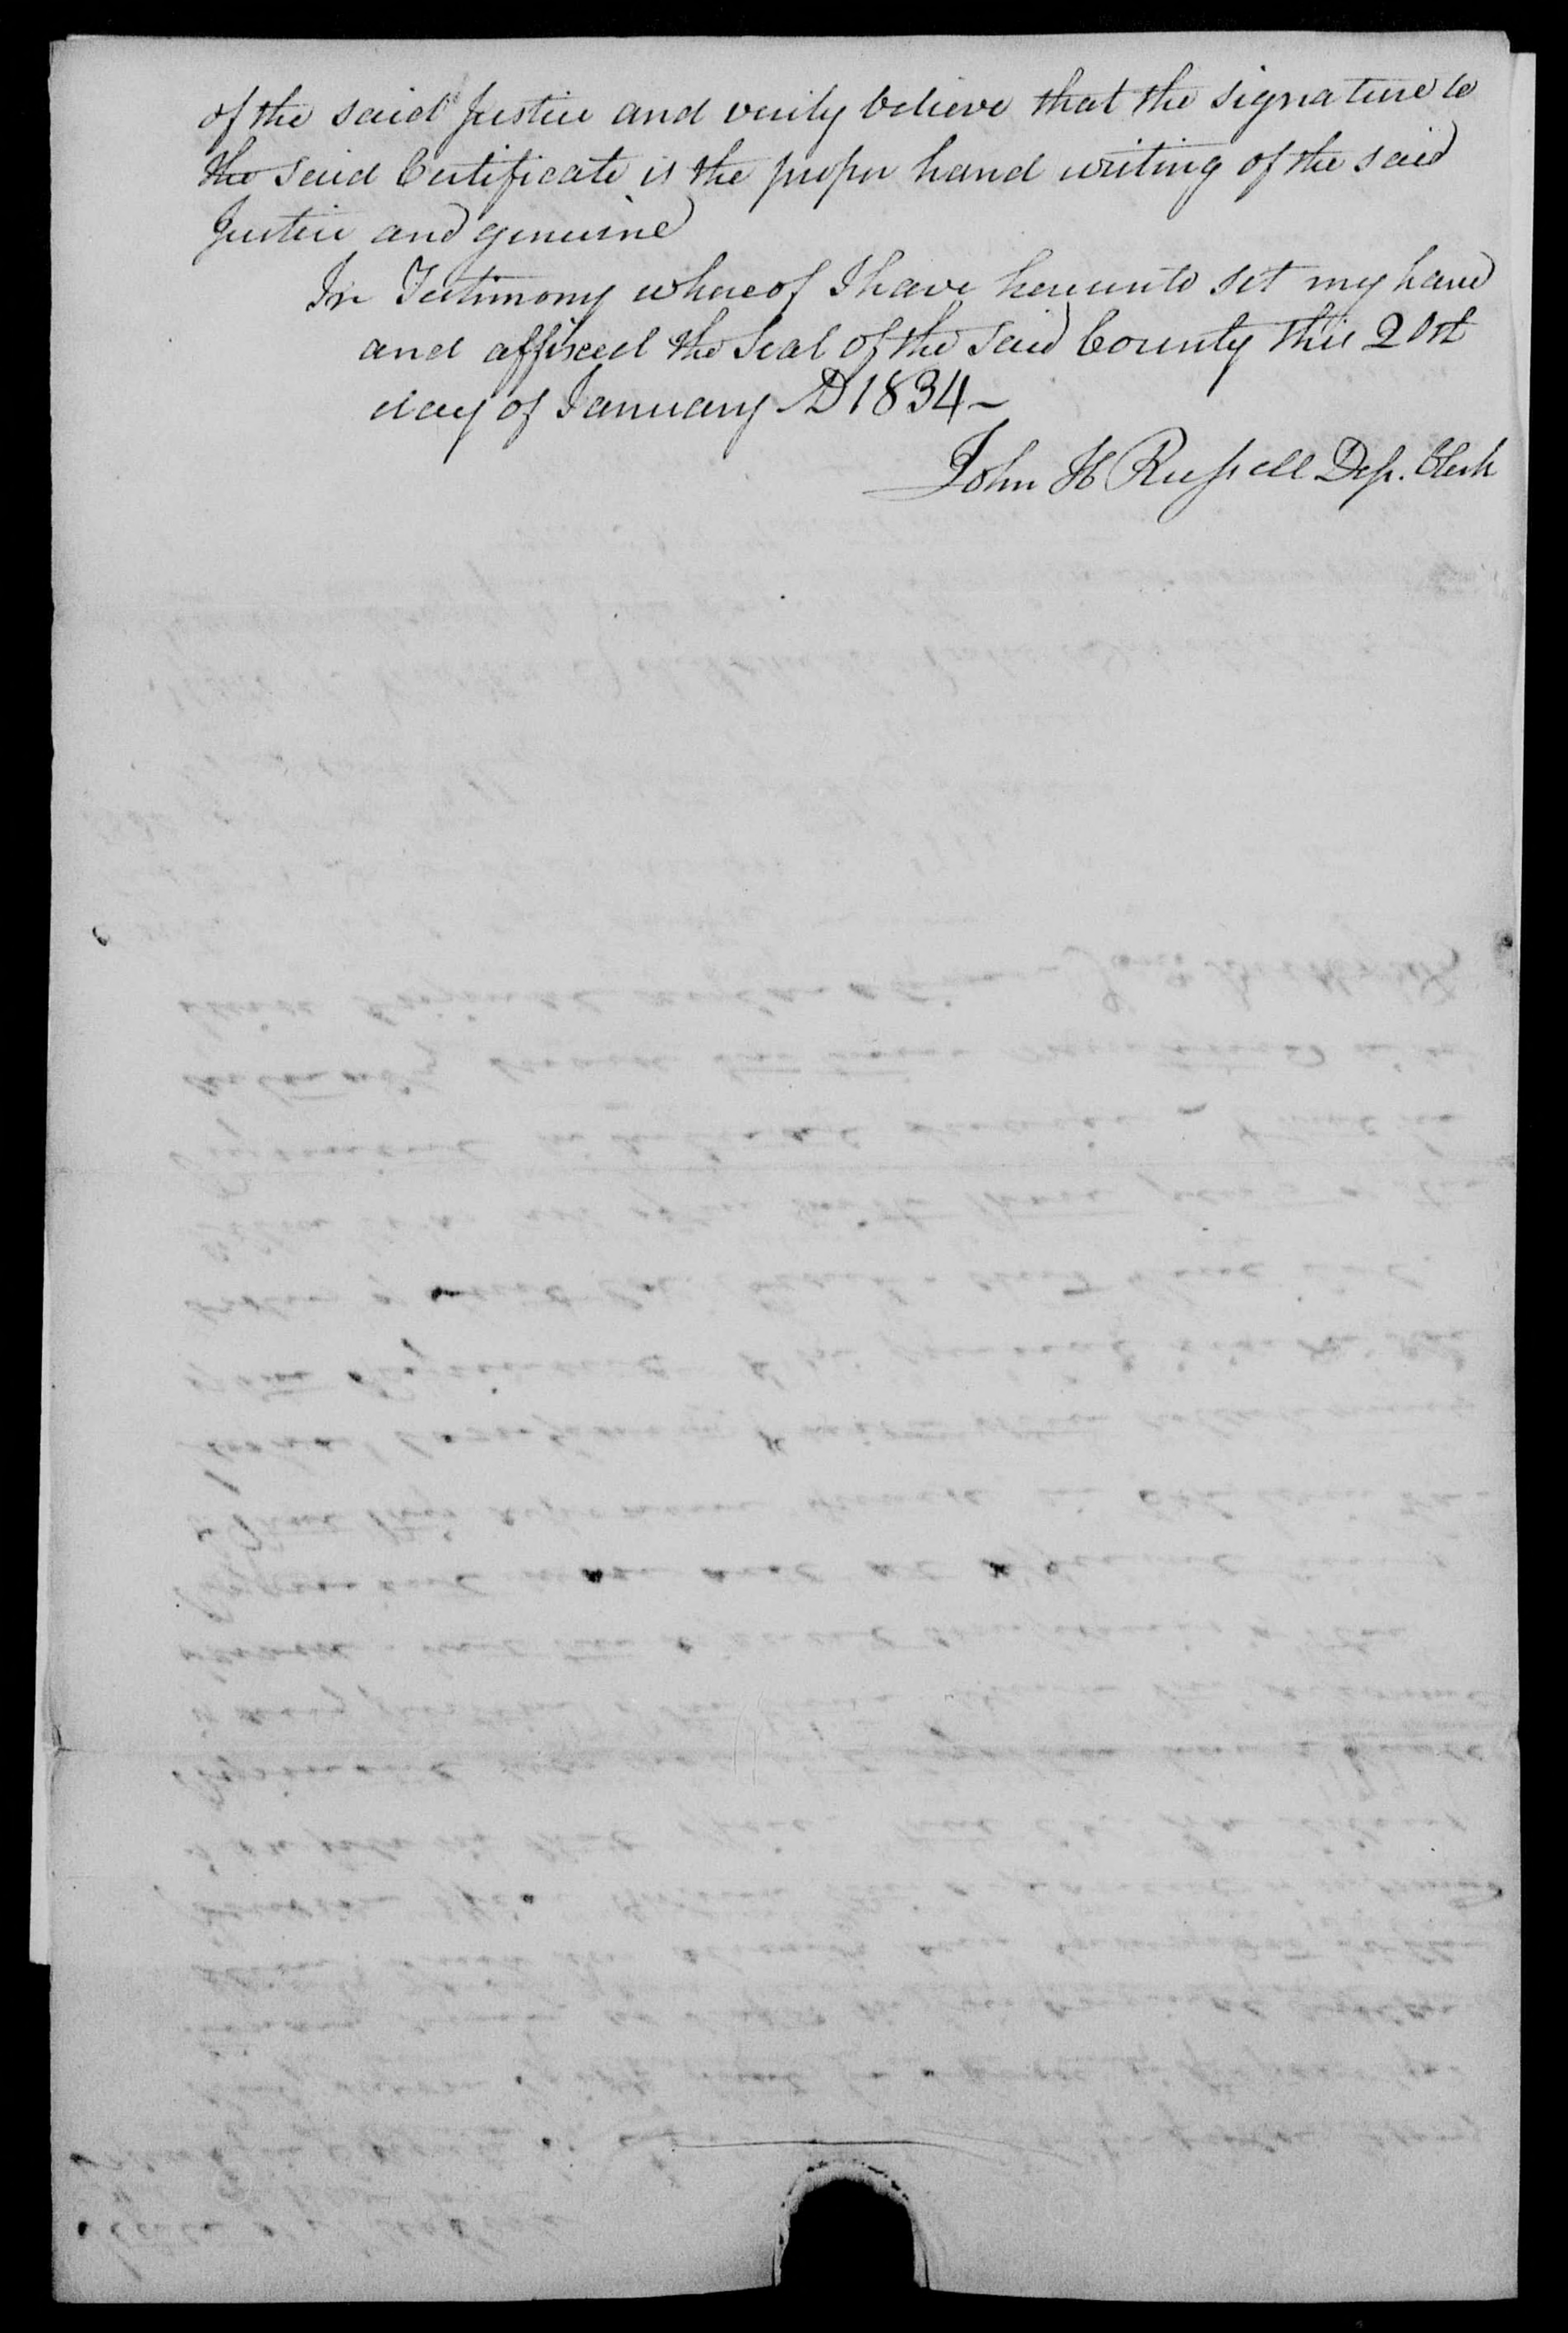of the said Justice and verily believe that the signature to the said Certificate is the proper hand writing of the said Justice and genuine.
In Testimony whereof I have hereunto set my hand
and affixed the Seal of the said County this 20th
day of January AD 1834-
John H Russell Dep. Clerk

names: John H Russell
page: 12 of 40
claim: rejected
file: R. 1558, Jonathan Butterfield, Mass. Vt.